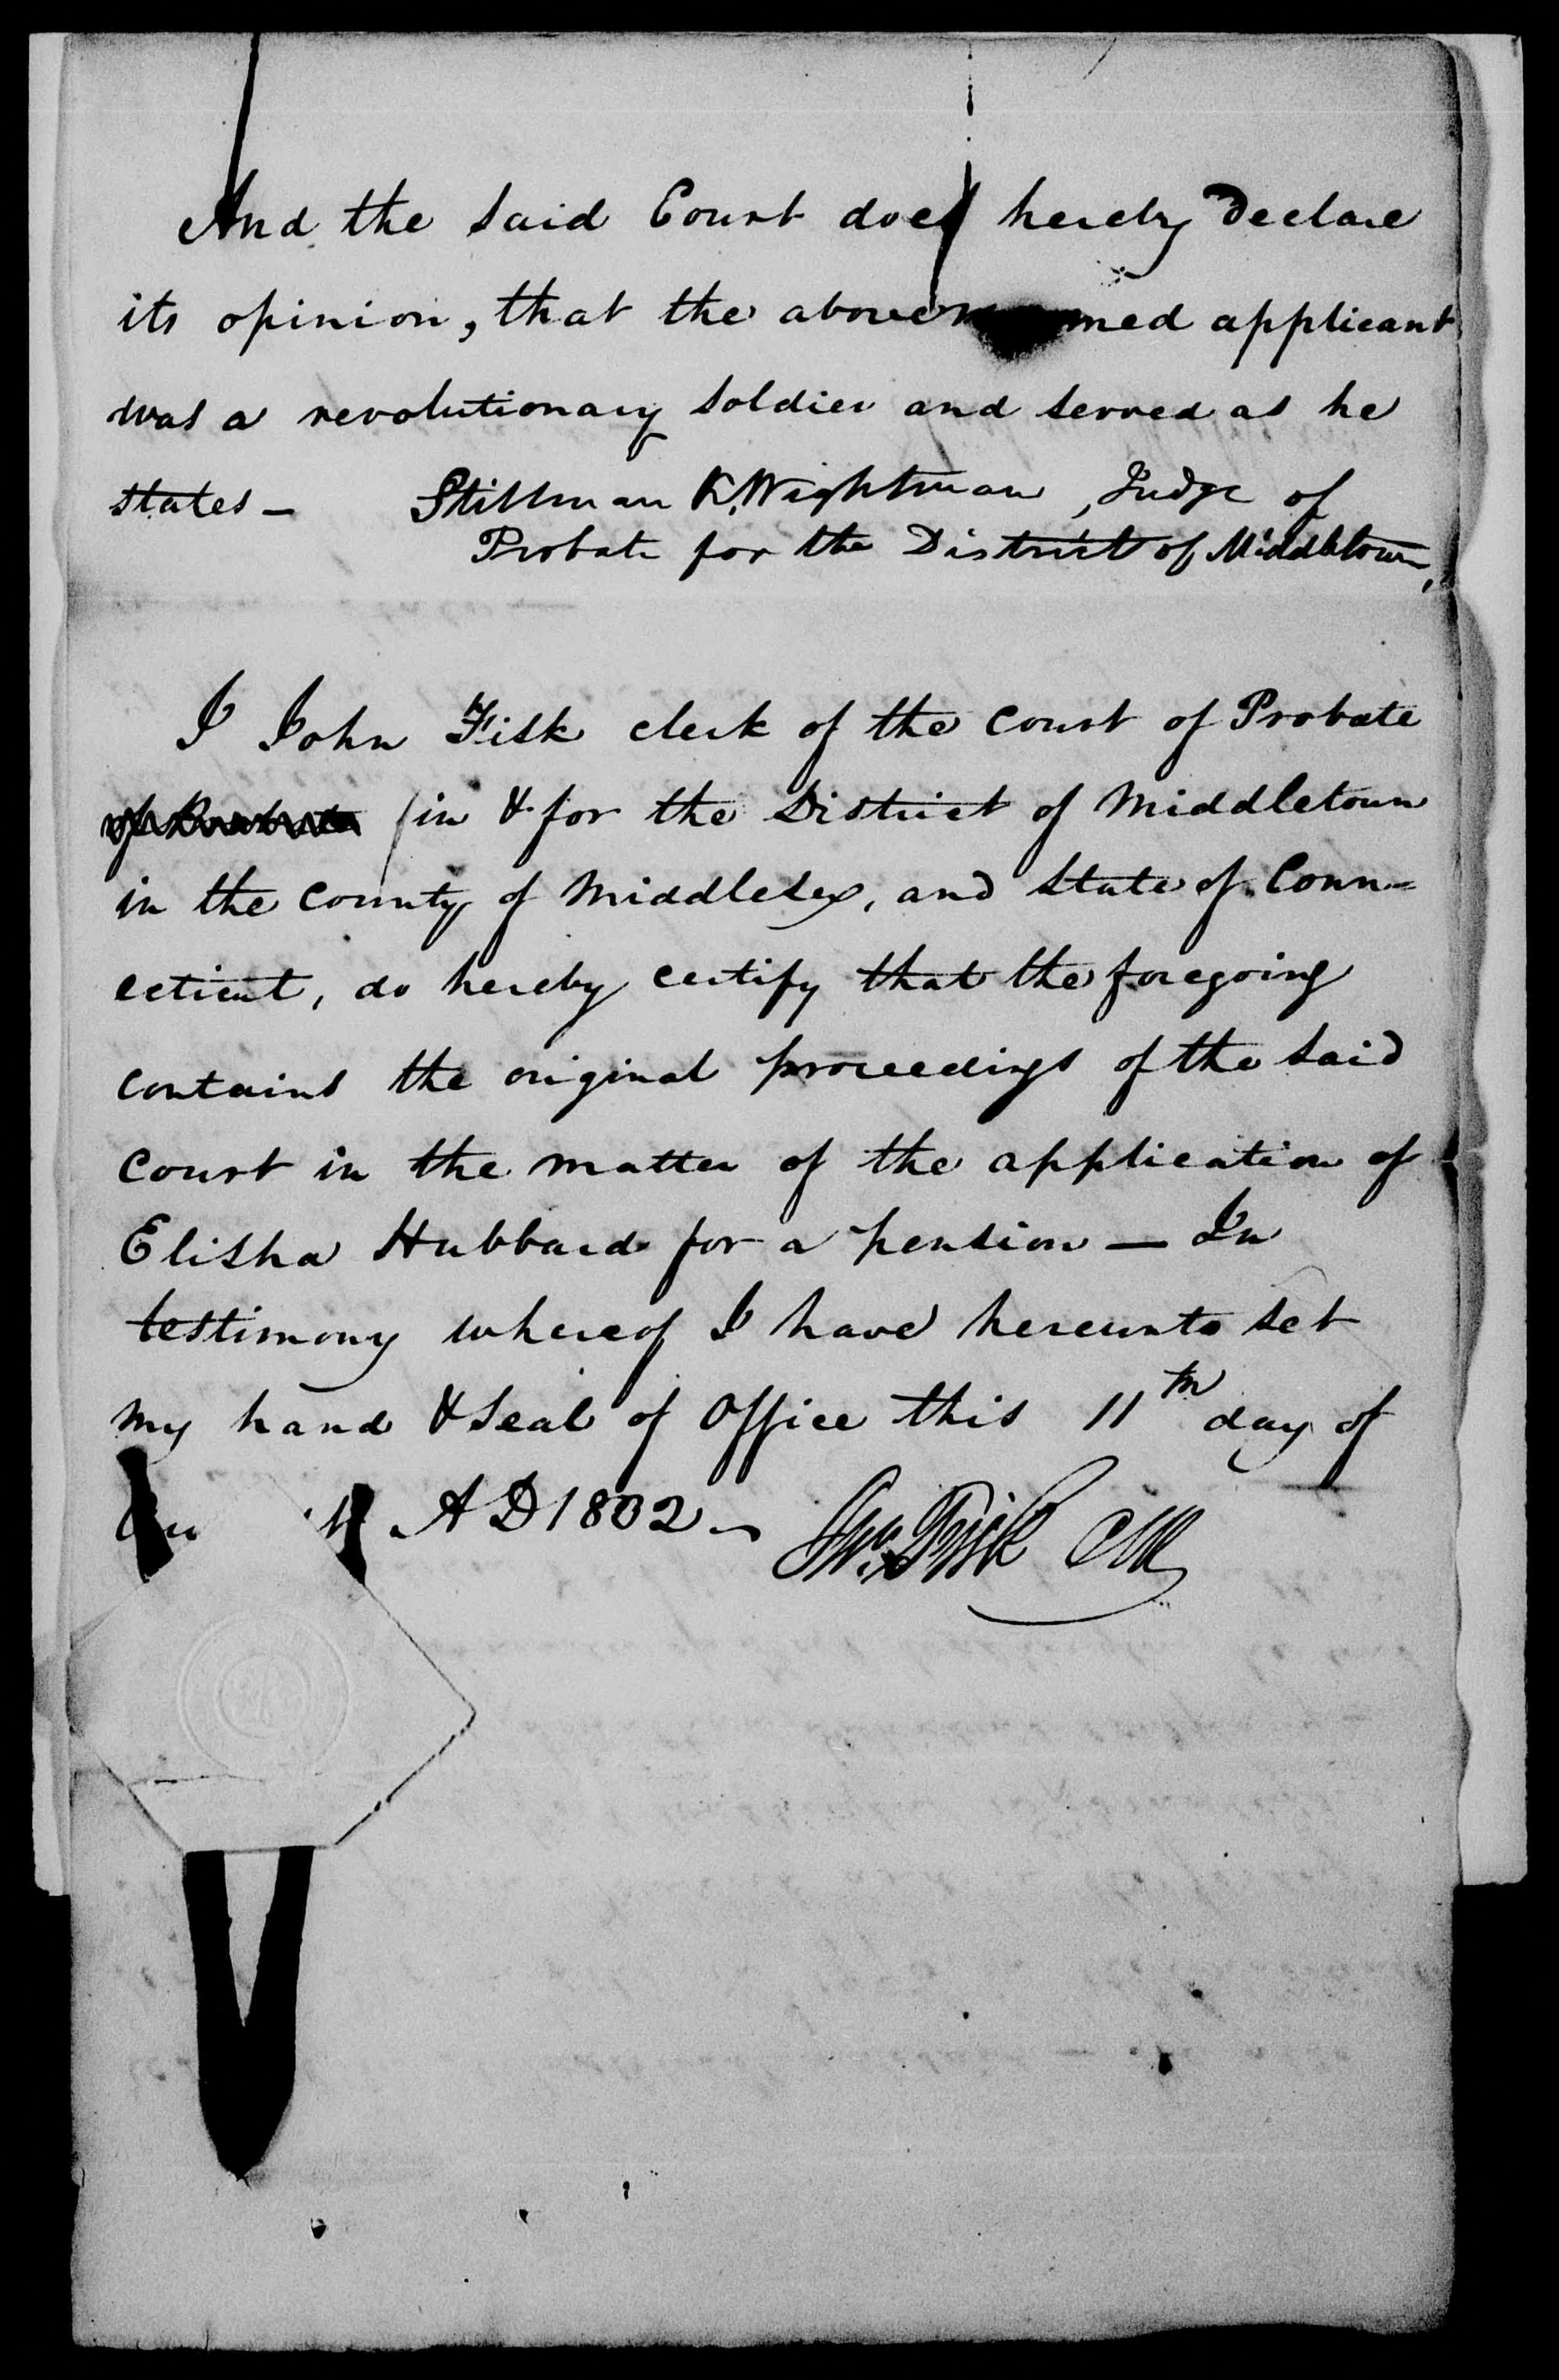And the Said Court does hereby declare  its opinion, that the above named applicant was a revolutionary soldier and served as he states -   

Stillman K. Wightman,  Judge of Probate for the District of Middletown

I John Fisk clerk of the court of Probate in & for the District of Middletown in the county of Middlesex, and State of Connecticut, do certify that the foregoing contains the original proceedings of the said Court in the matter of the application of Elisha Hubbard for a pension - In testimony whereof I have hereunto set my hand & seal of office this 11th day of  (covered) AD 1802 - 

John Fish Clk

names: Elisha Hubbard, John Fisk, Stillman K Wightman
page: 9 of 63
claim: survivor's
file: S. 18457, Elisha Hubbard, Conn. Continental